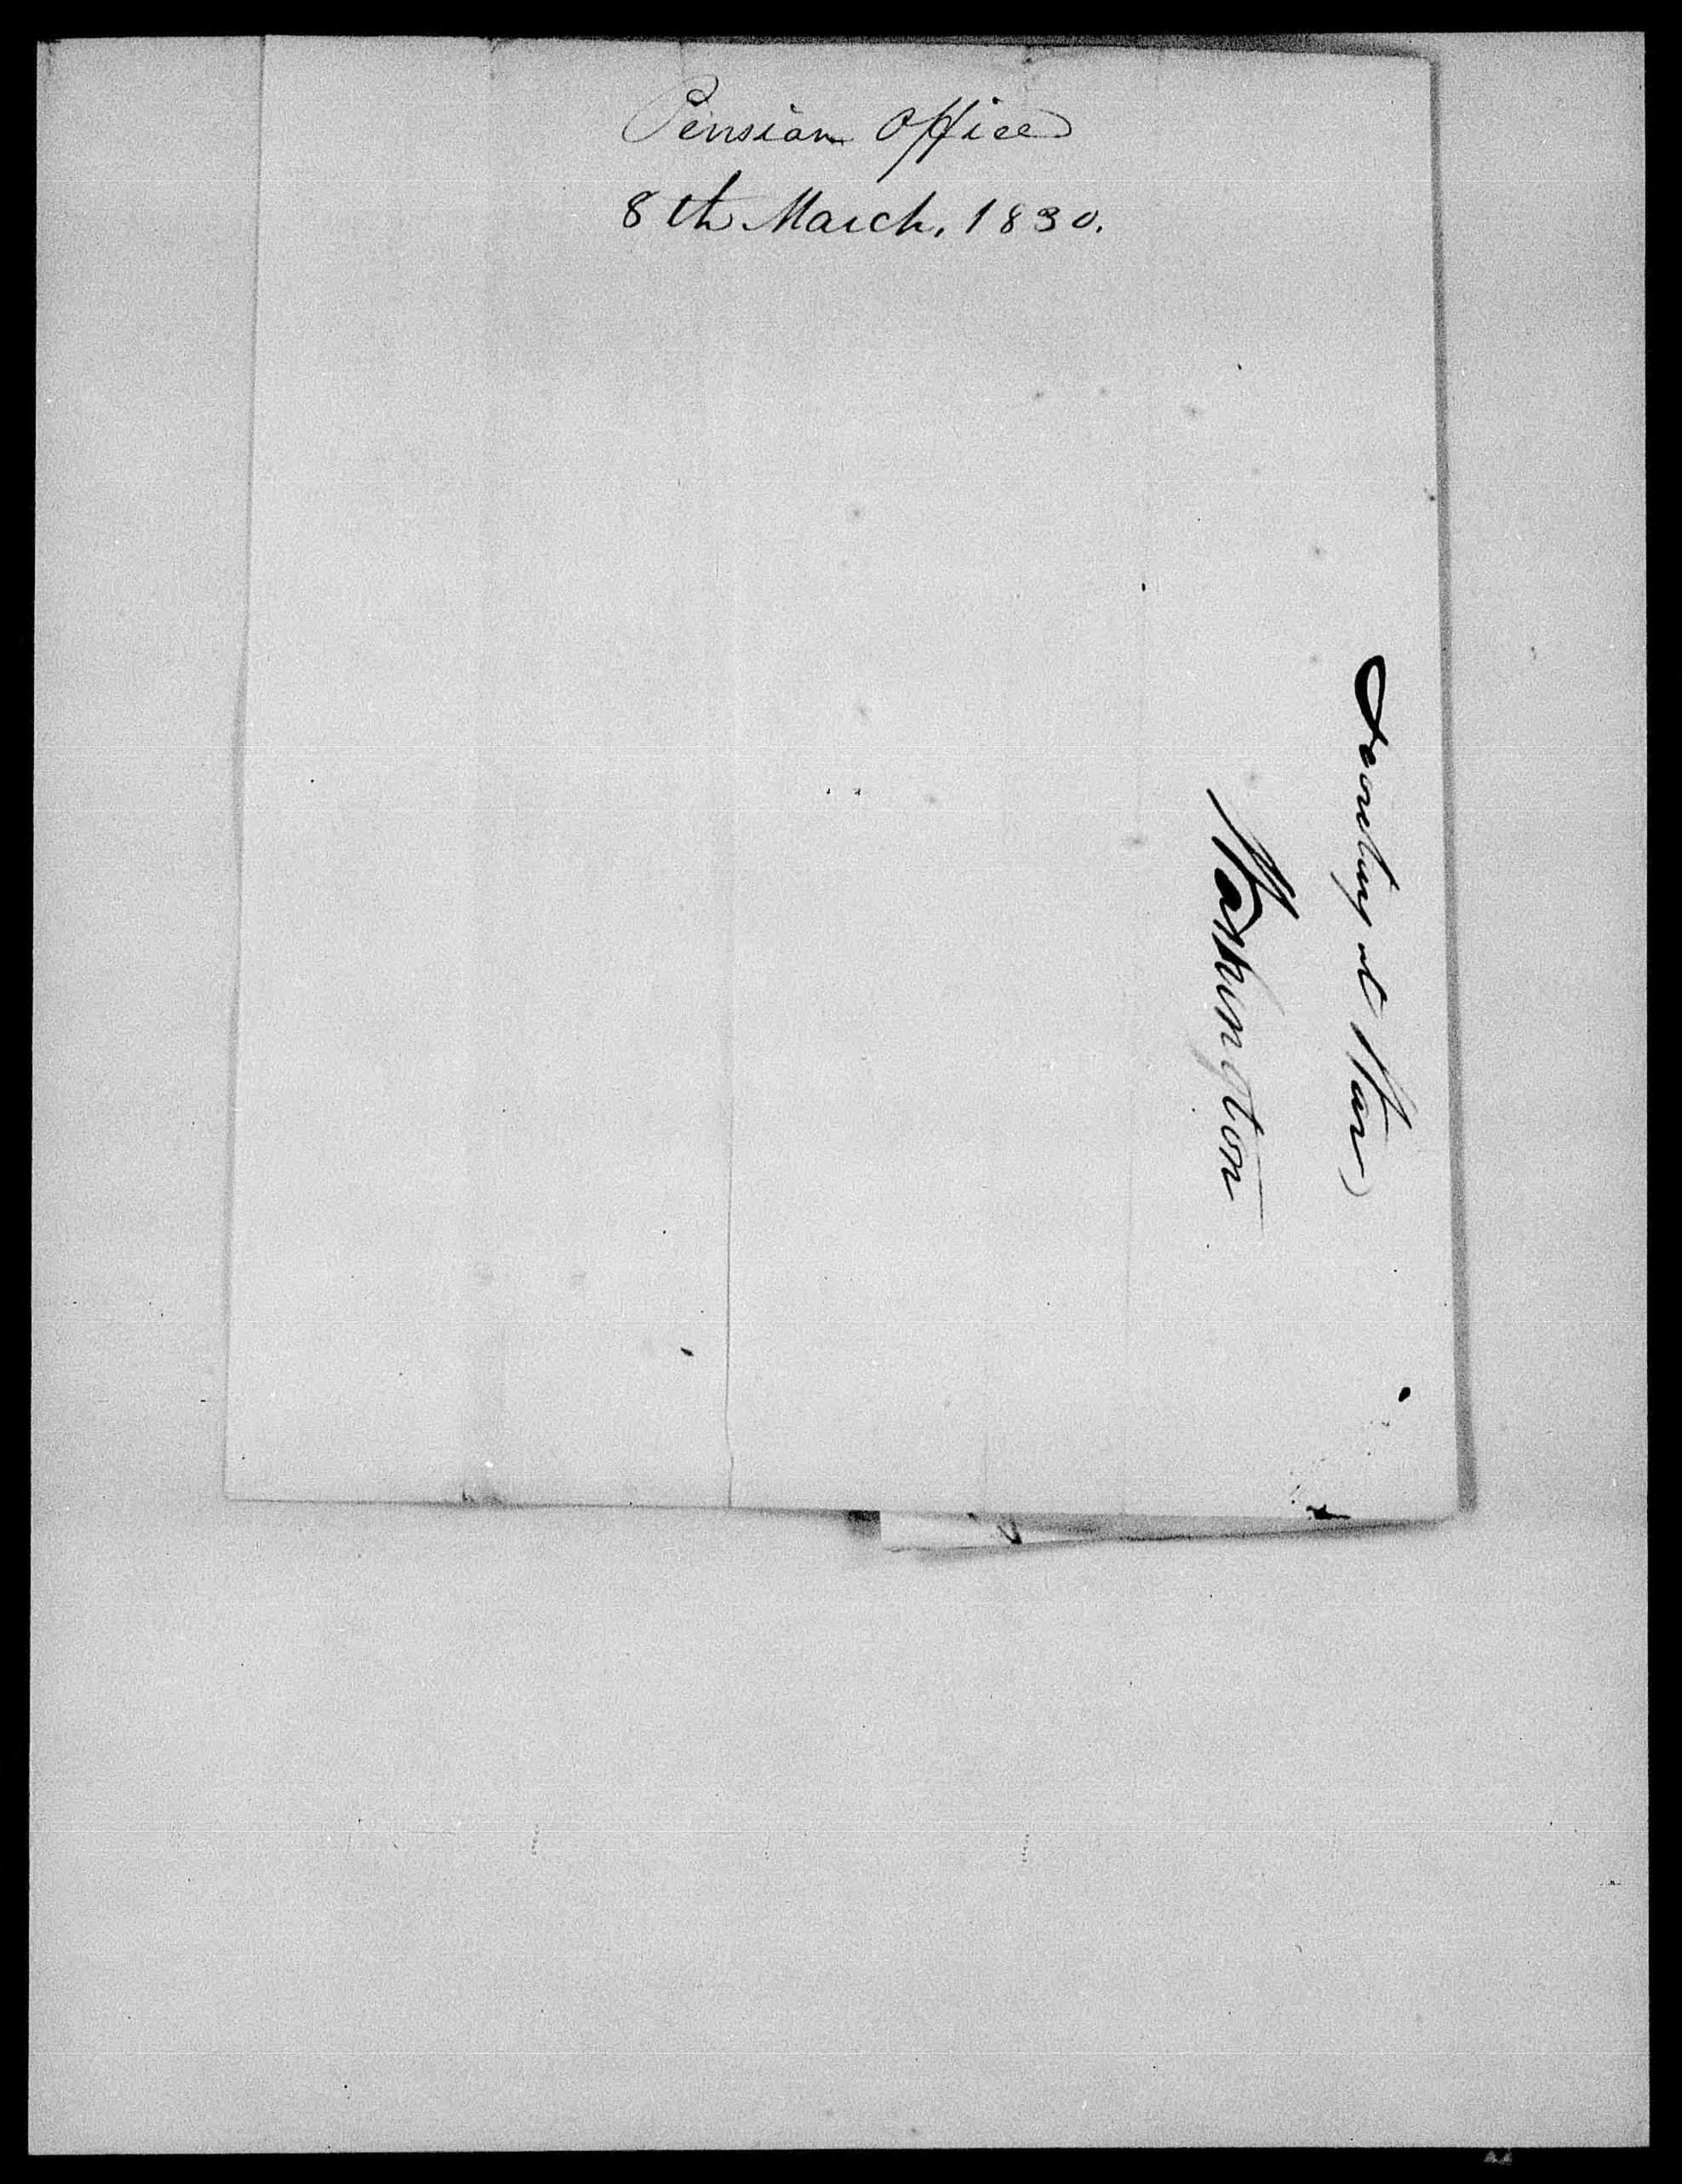Pension Office
8th March, 1830

Secretary at War
Washington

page: 18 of 28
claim: survivor's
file: S. 5,048, for Henry Malcolm